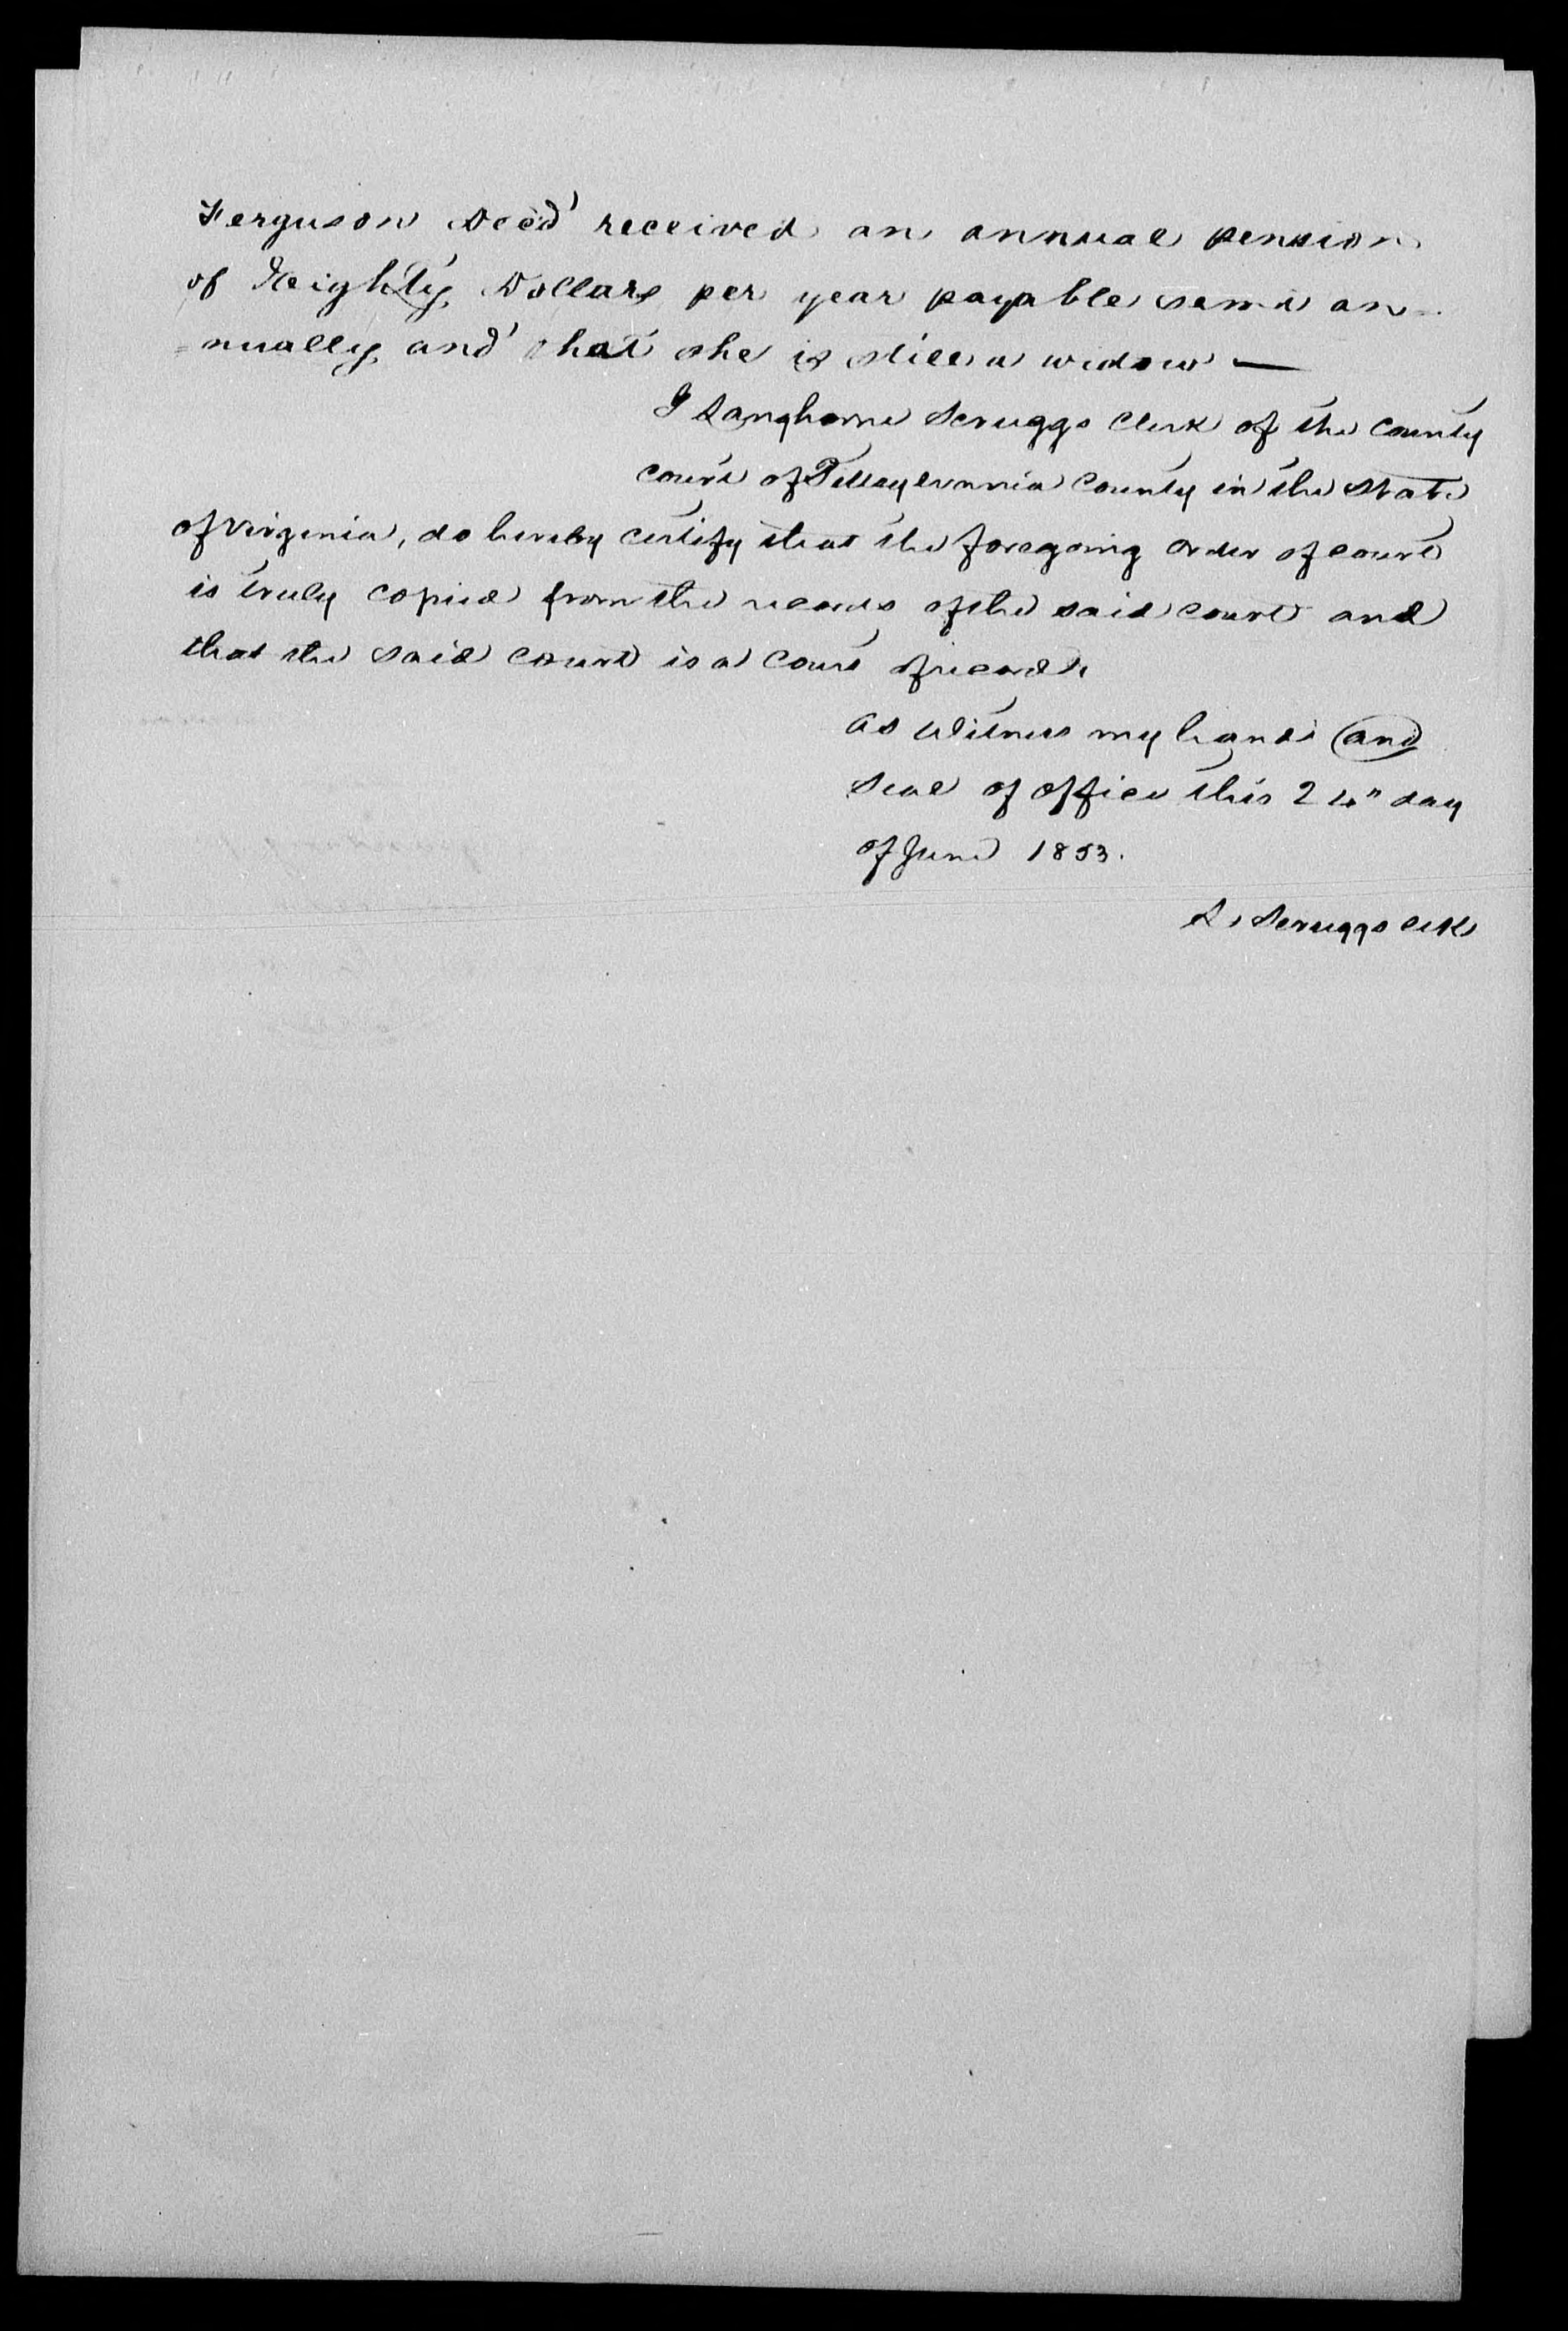Ferguson dec'd received an annual pension of Eighty Dollars per year payable semi-annually and that she is still a widow.

I Sanghorne Scruggs Clerk of the County Court of Pittsylvania County in State of Virginia, do hereby certify that the foregoing order of court is truly copied from the records of the said court and that the said court is a court of records.
As witness my hand and seal of office this 24th day of June 1853.
S. Scruggs clk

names: Ferguson, S Scruggs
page: 7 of 81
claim: widow's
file: W. 7262, Robert Ferguson, Va.